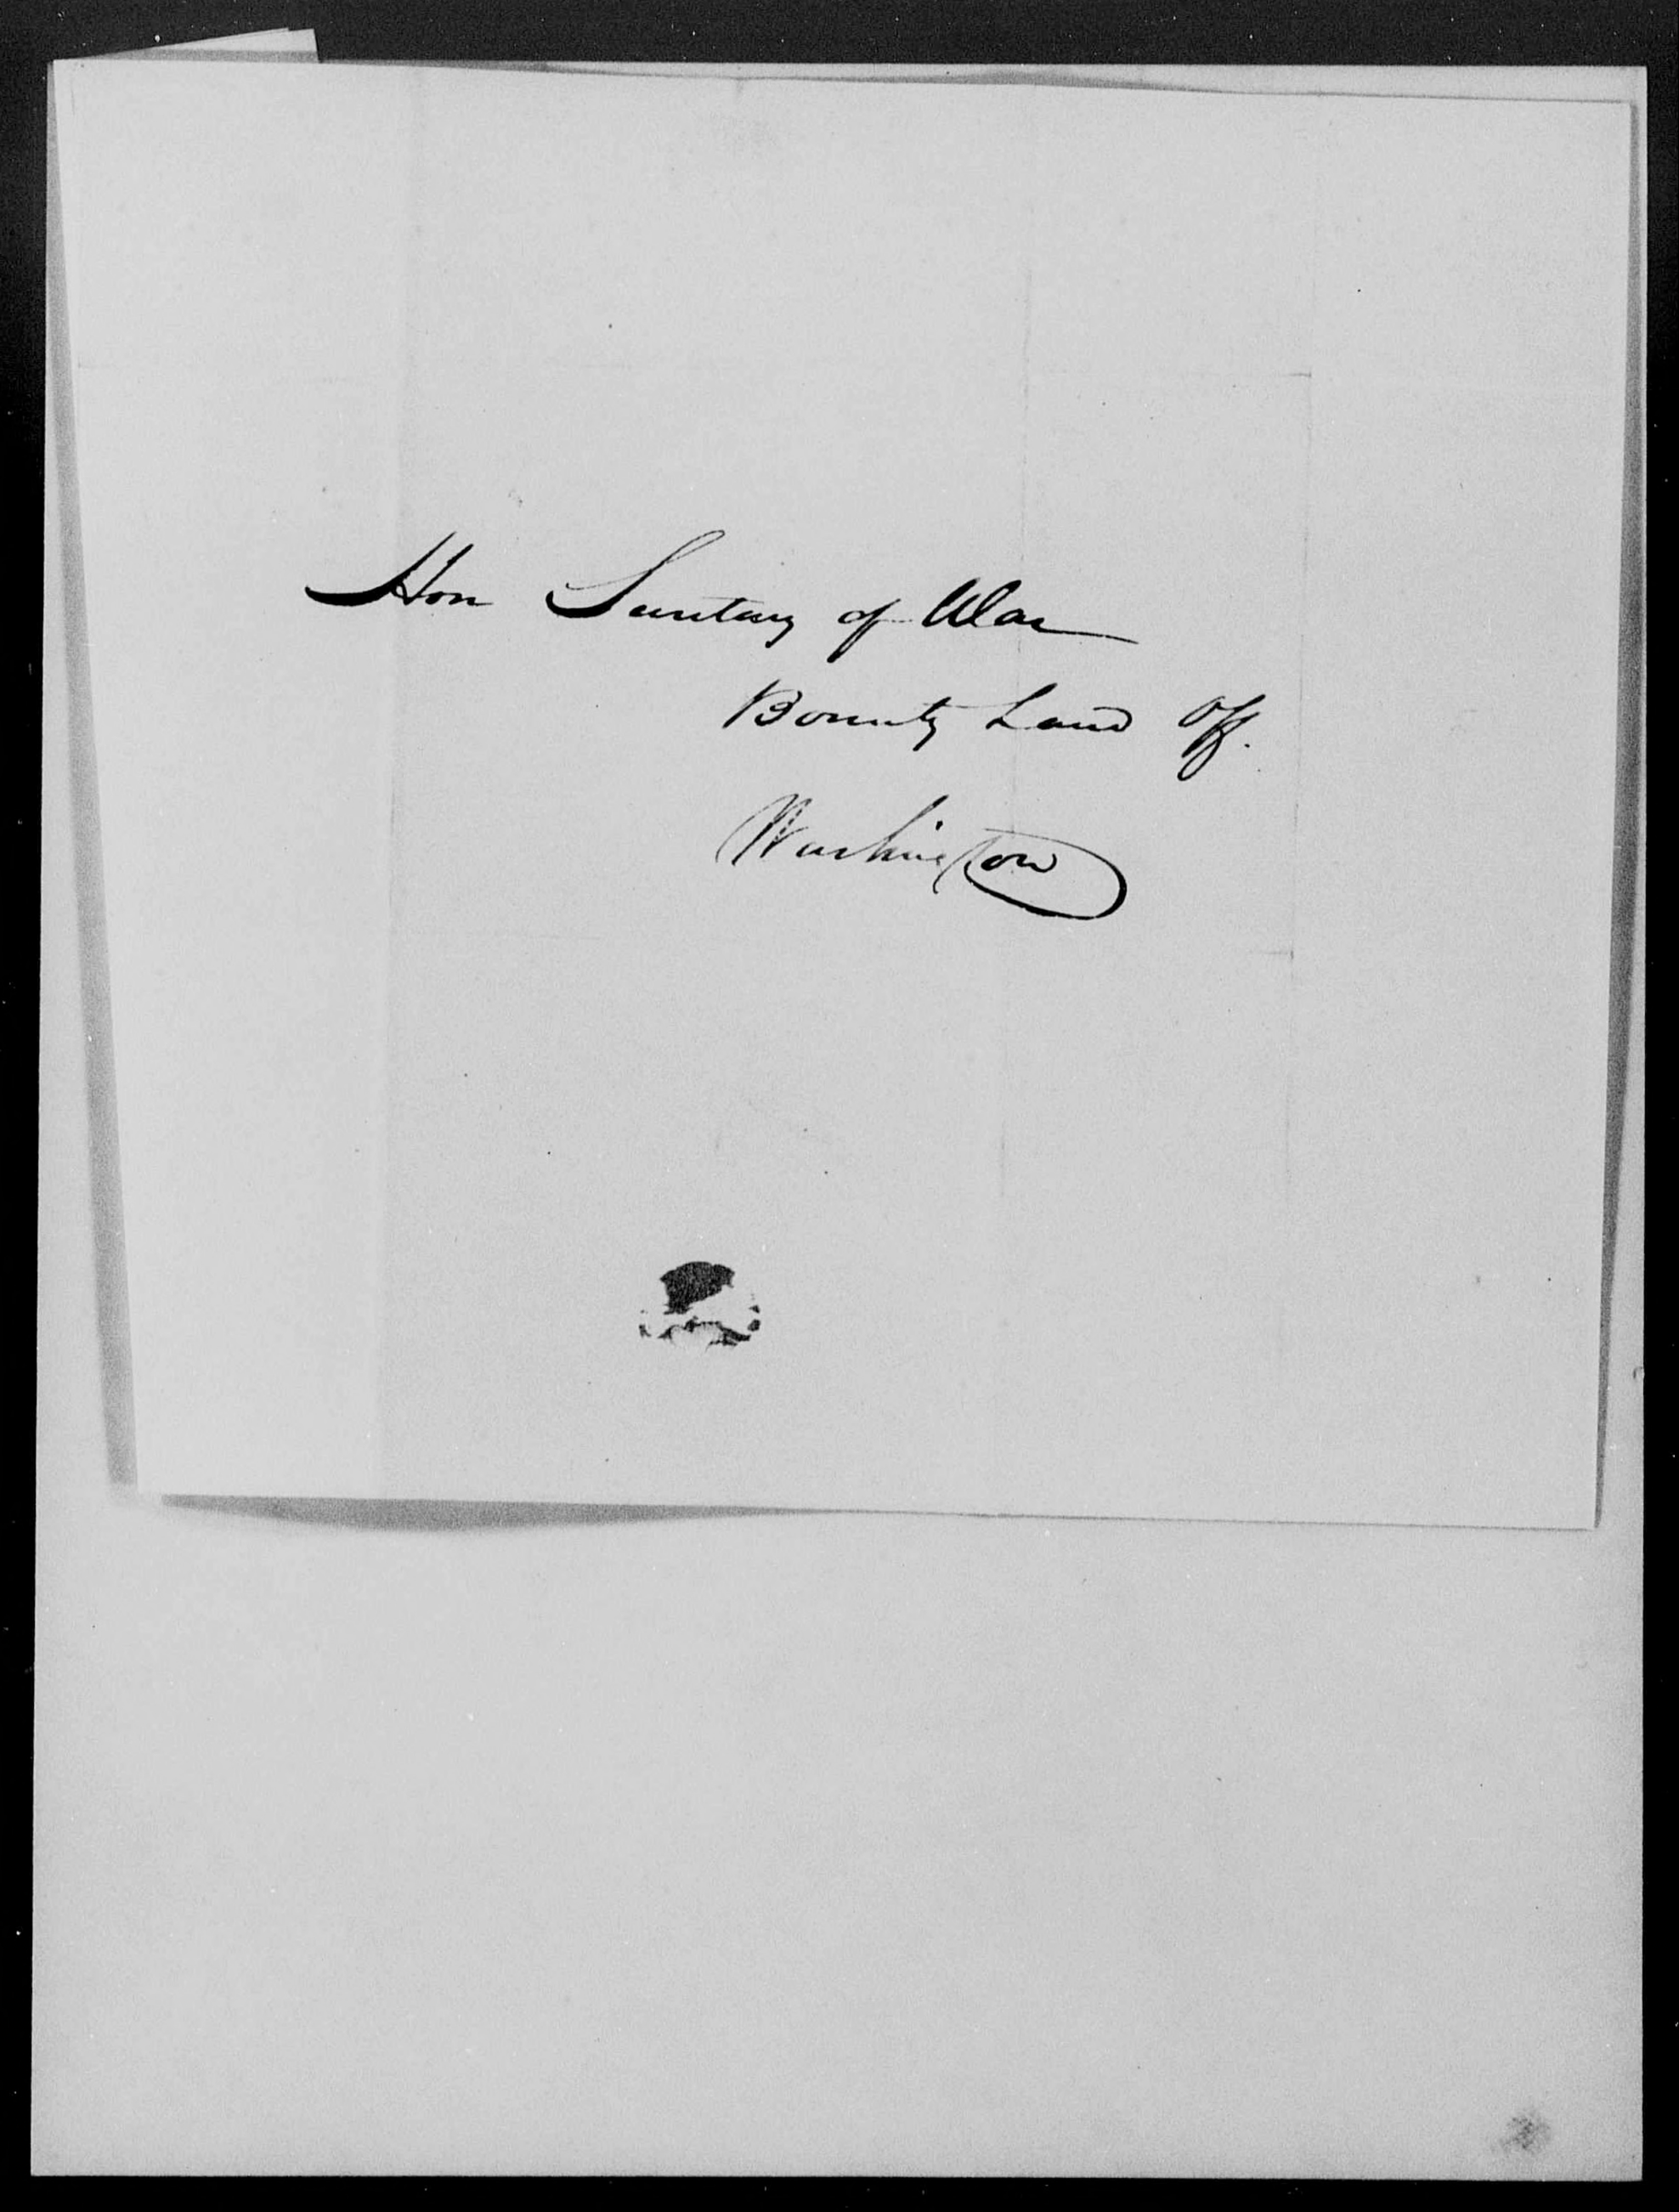[handwritten]

Hon Secretary of War
Bounty Land Off.
Washington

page: 2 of 7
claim: bounty land warrant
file: B. L. Wt. 2078-100, for Samuel Nickolls, Delaware